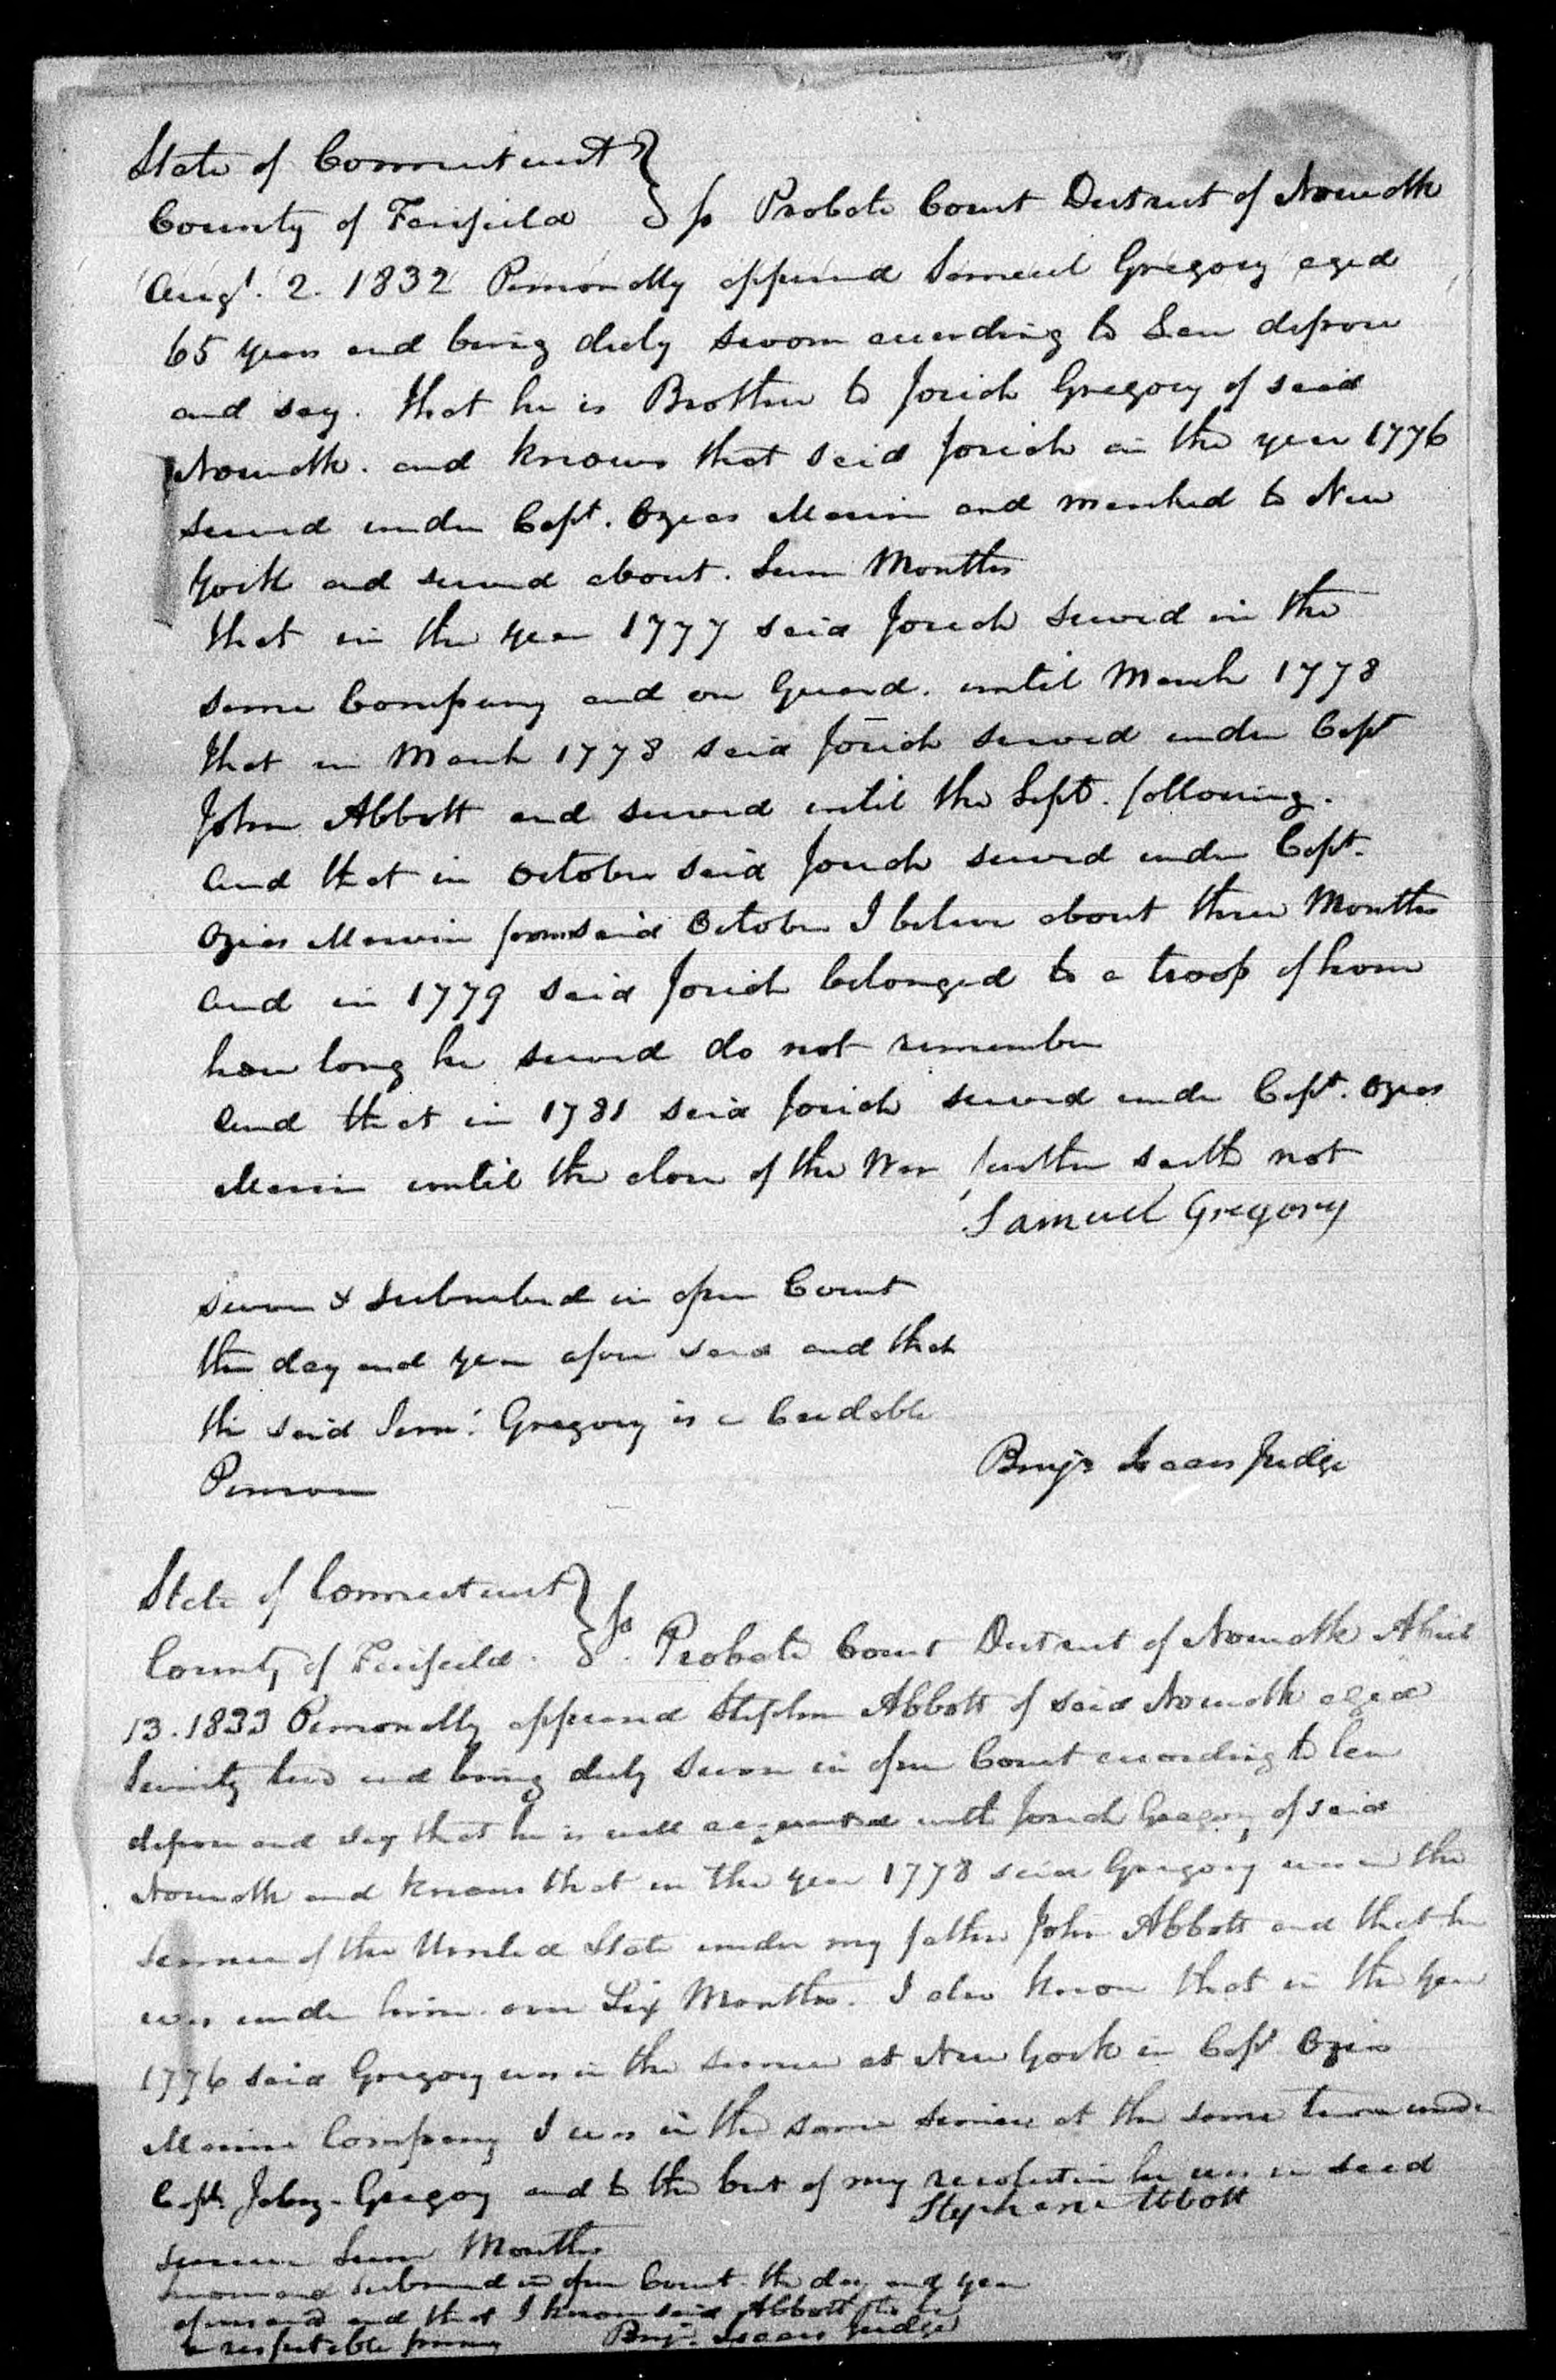State of Connecticut
County  of Fairfield} Js  Probate Court District of Norwalk
Augt. 2. 1832 Personally appeared Samuel Gregory aged 65 years and being duly sworn according to Law depose and say that he is Brother to Josiah Gregory of said Norwalk.
and knows that said Josiah in the year 1776
Served under Capt. Ozias Marvin and marched to New York and served about Seven Months 
That in the year 1777 said Josiah served in the same Company and on Guard until March 1778 That in March 1778 said Josiah served under Capt John Abbott and served until the Sept. following. And that in October said Josiah served under Capt. Ozias Marvin from said October I believe about three Months And in 1779 said Josiah belonged to a troop of honor how long he served do not remember
And that in 1781 said Josiah served under Capt. Ozias Marvin until the close of the War  further saith not
                          [Signed]  Samuel Gregory

Sworn & Subscribed in open Court
the day and year afore said and that
the said Sam.' Gregory is a Credible Person 
 [Signed]  Benjn Isaacs Judge

State of Connecticut
County of Fairfield} Js   Probate Court District of Norwalk April 13. 1833 Personally appeared Stephen Abbott of said Norwalk aged Seventy two and being duly sworn in open Court according to law depose and say that he is well acquainted with Josiah Gregory of said Norwalk and knows that in the year 2778 said Gregory was in the service of the United States under my father John Abbott and that he was under him over Six Months.  I also know that in the year 1776 said Gregory was in the service at New York in Capt Ozias Marvins Company  I was in the same service at the same time under Capt John Gregory and to the best of my recollection he was in said service Seven Months
           [Signed] Stephen Abbott
Sworn and subscribed in open Court the day and year aforesaid and that I know said Abbott to be a respectable person
    [Signed]  Benjn. Isaacs  Judge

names: Benjn Isaacs, Samuel Gregory, Benjn Isaacs, Josiah, Josiah Gregory, Josiah, Josiah, Samuel Gregory, Stephen Abbott, Gregory, Abbott, Gregory, John Gregory, Josiah Gregory, Saml Gregory, Ozias Marvin, Josiah, Josiah, Stephen Abbott, Ozias Marvin, John Abbott, Ozias Marvin, Josiah, John Abbott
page: 7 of 49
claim: widow's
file: W 24308, Josiah Gregory, Conn.